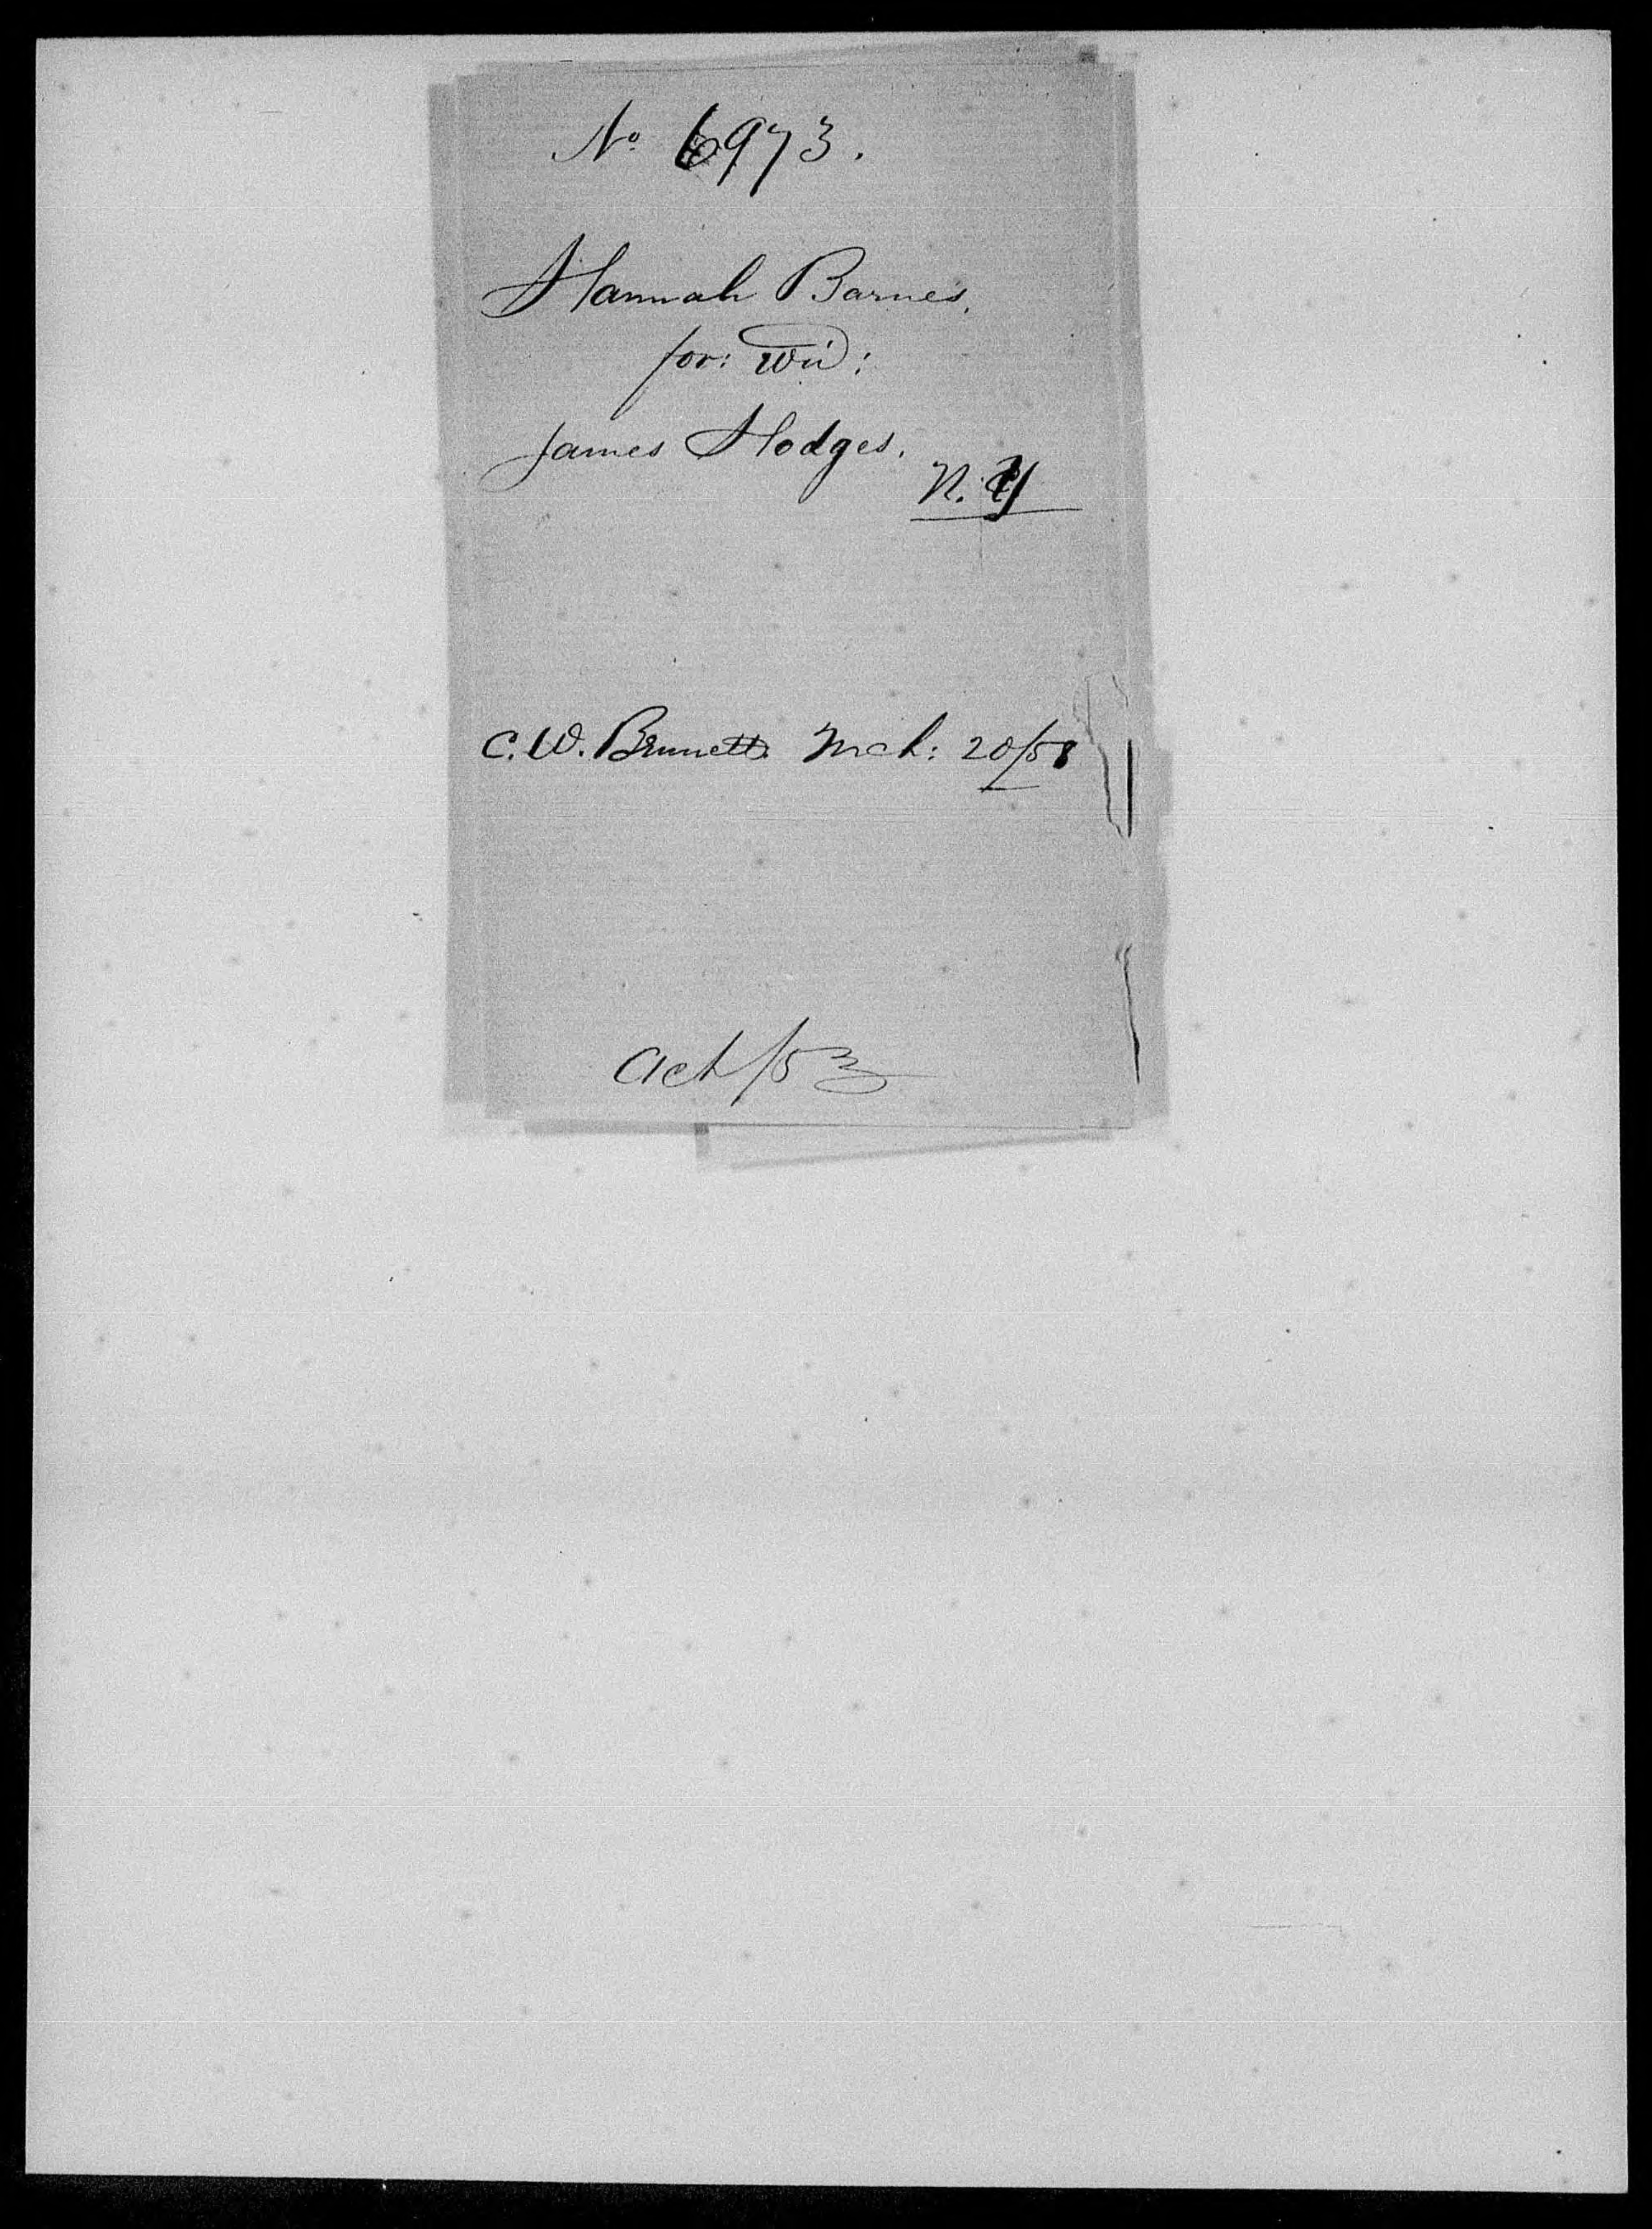No 6973.
Hannah Barnes.
for: wid:
James Hodges.
N.Y

C. W. Bennett mch: 20/58
ach/53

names: C W Bennett, James Hodges, Hannah Barnes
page: 13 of 48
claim: widow's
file: W. 10476, James Hodge, New York